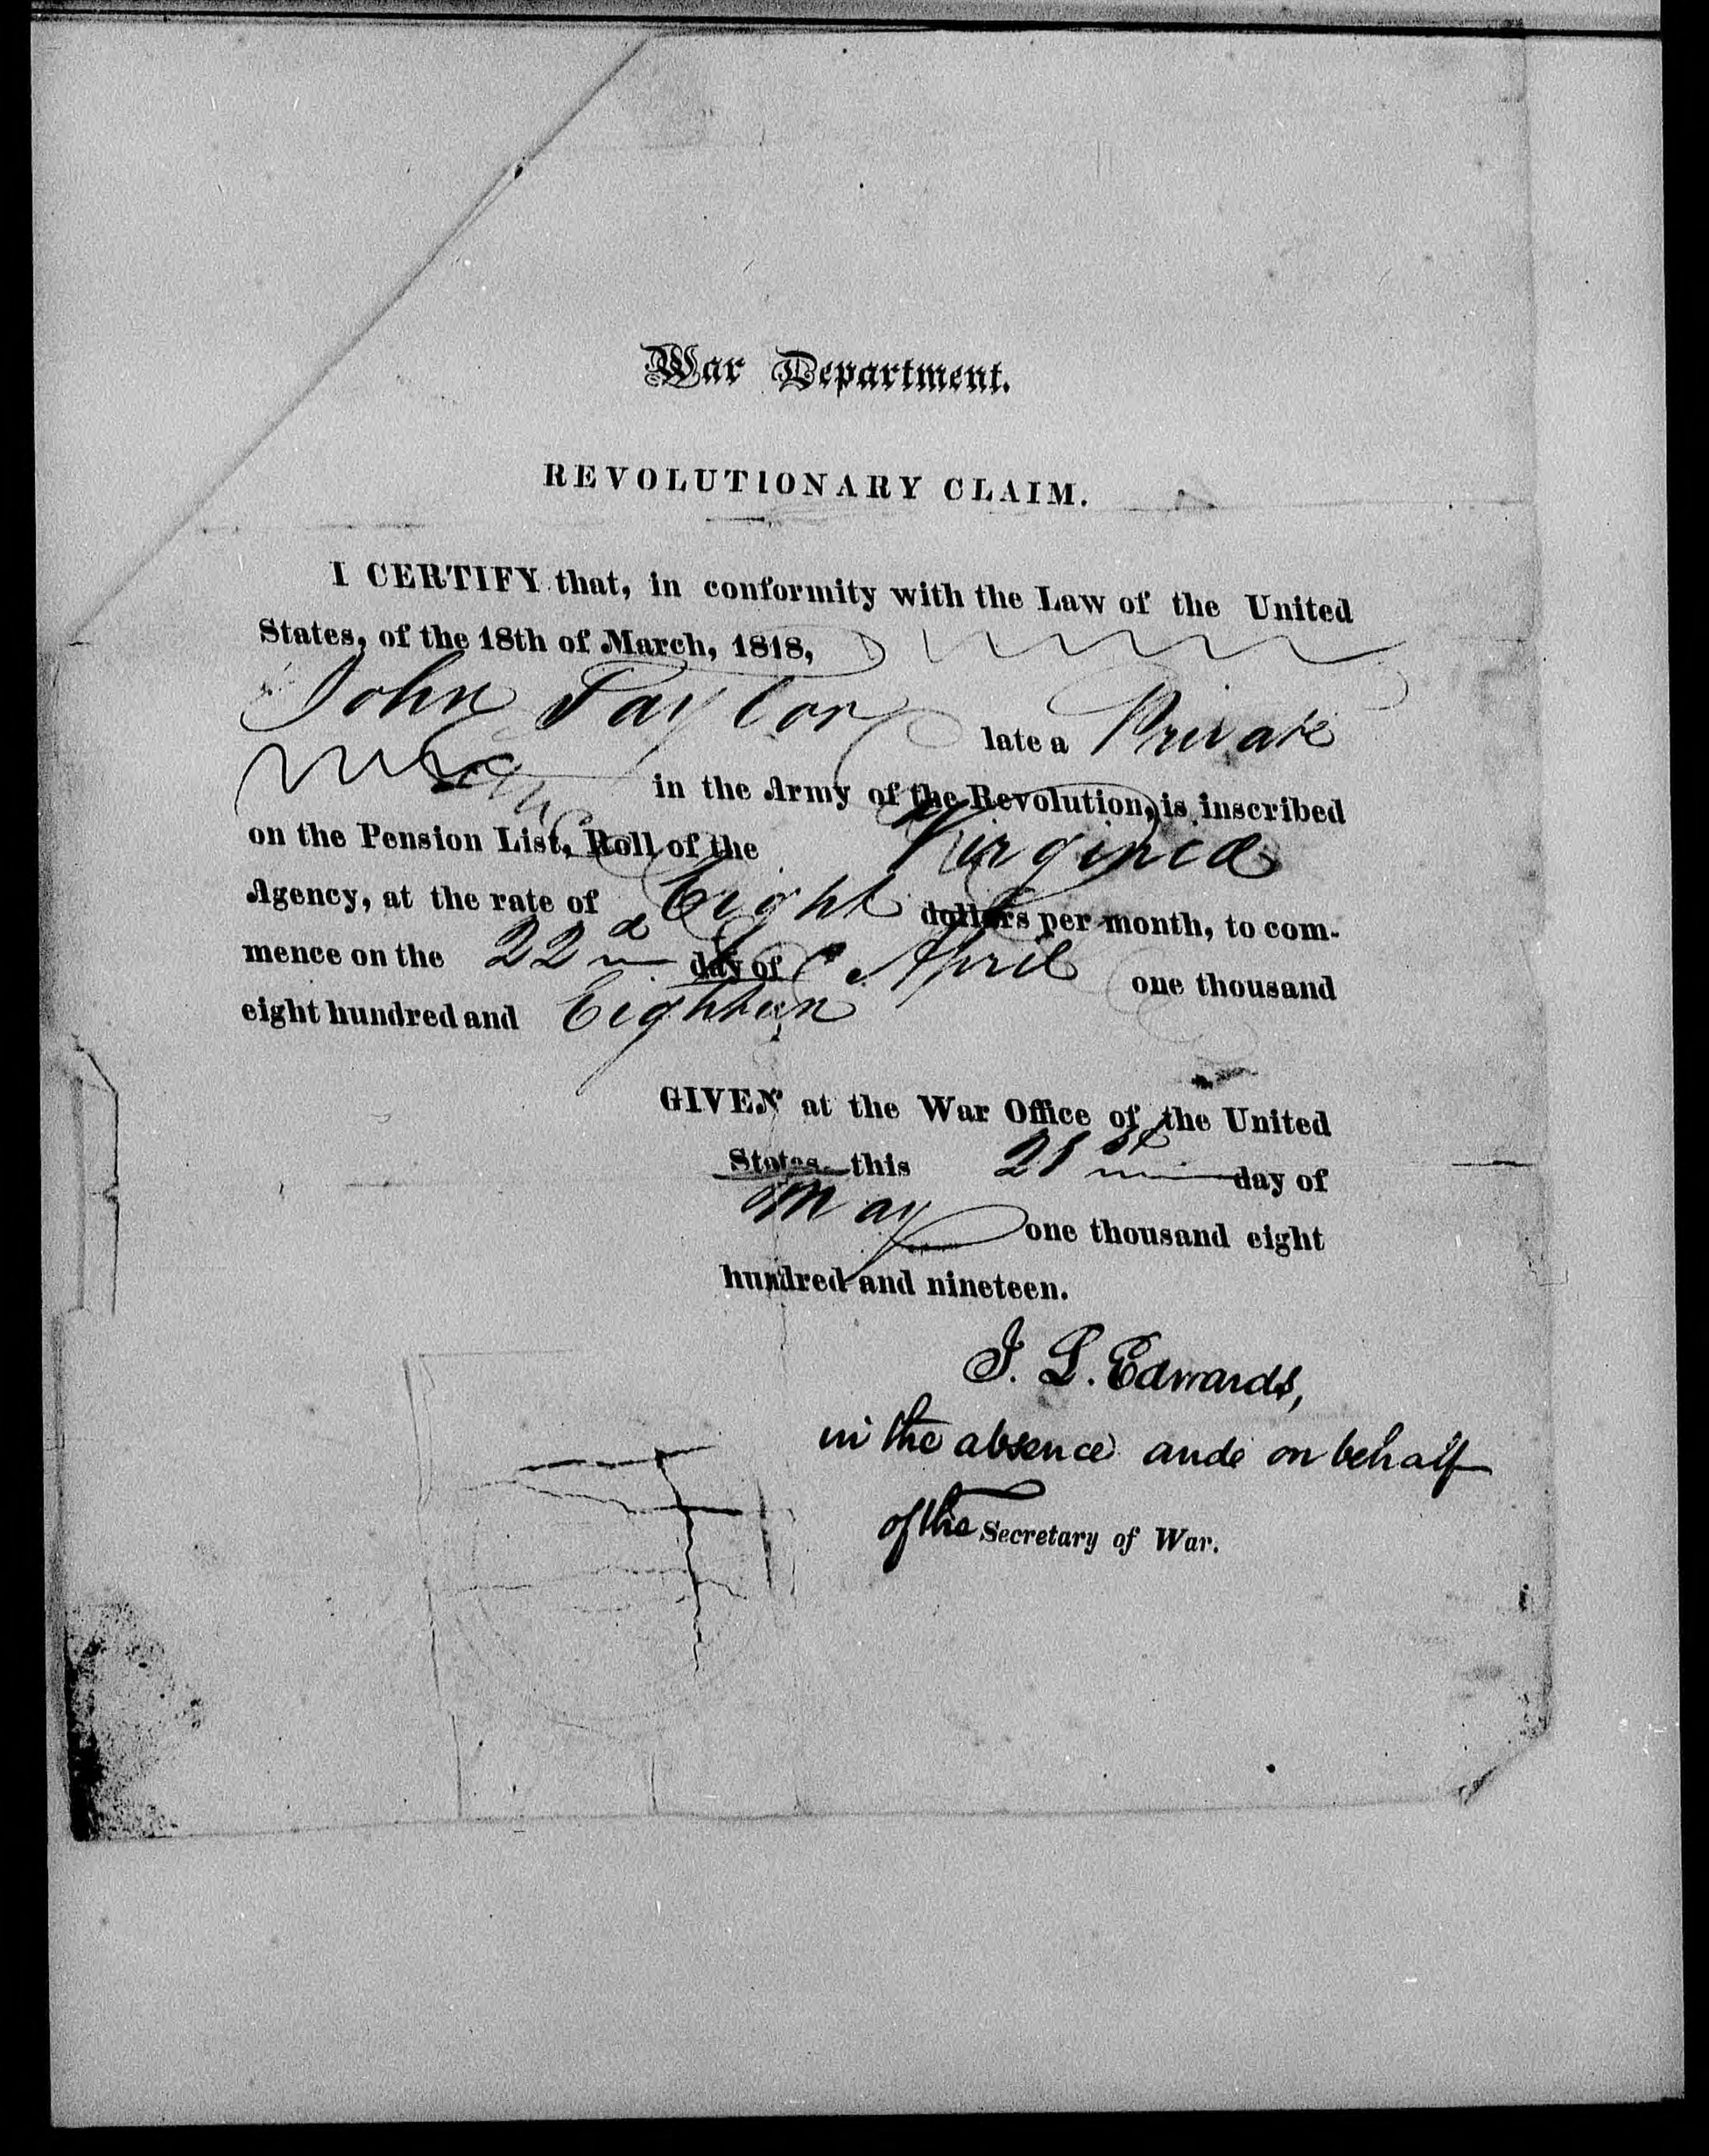War Department, 

REVOLUTIONARY CLAIM,

[Note:  Cancelled is written twice across the below certification]

I CERTIFY that, in conformity with the Law of the United 
States, of the 18th of March 1818, 
John Taylor late a Private 
 in the Army of the Revolution, is inscribed 
on the Pension List, Roll of the Virginia 
Agency, at the rate of Eight dollars per month, to com
mence on the 22d day of April one thousand 
eight hundred and eighteen.

GIVEN at the War Office of the United 
State this 21st day of 
May one thousand eight 
hundred and nineteen
J. L. Edwards
in the absence and on behalf 
of the Secretary of War.
[Blurred seal]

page: 15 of 18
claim: survivor's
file: S. 37,483, for John Taylor, Maryland